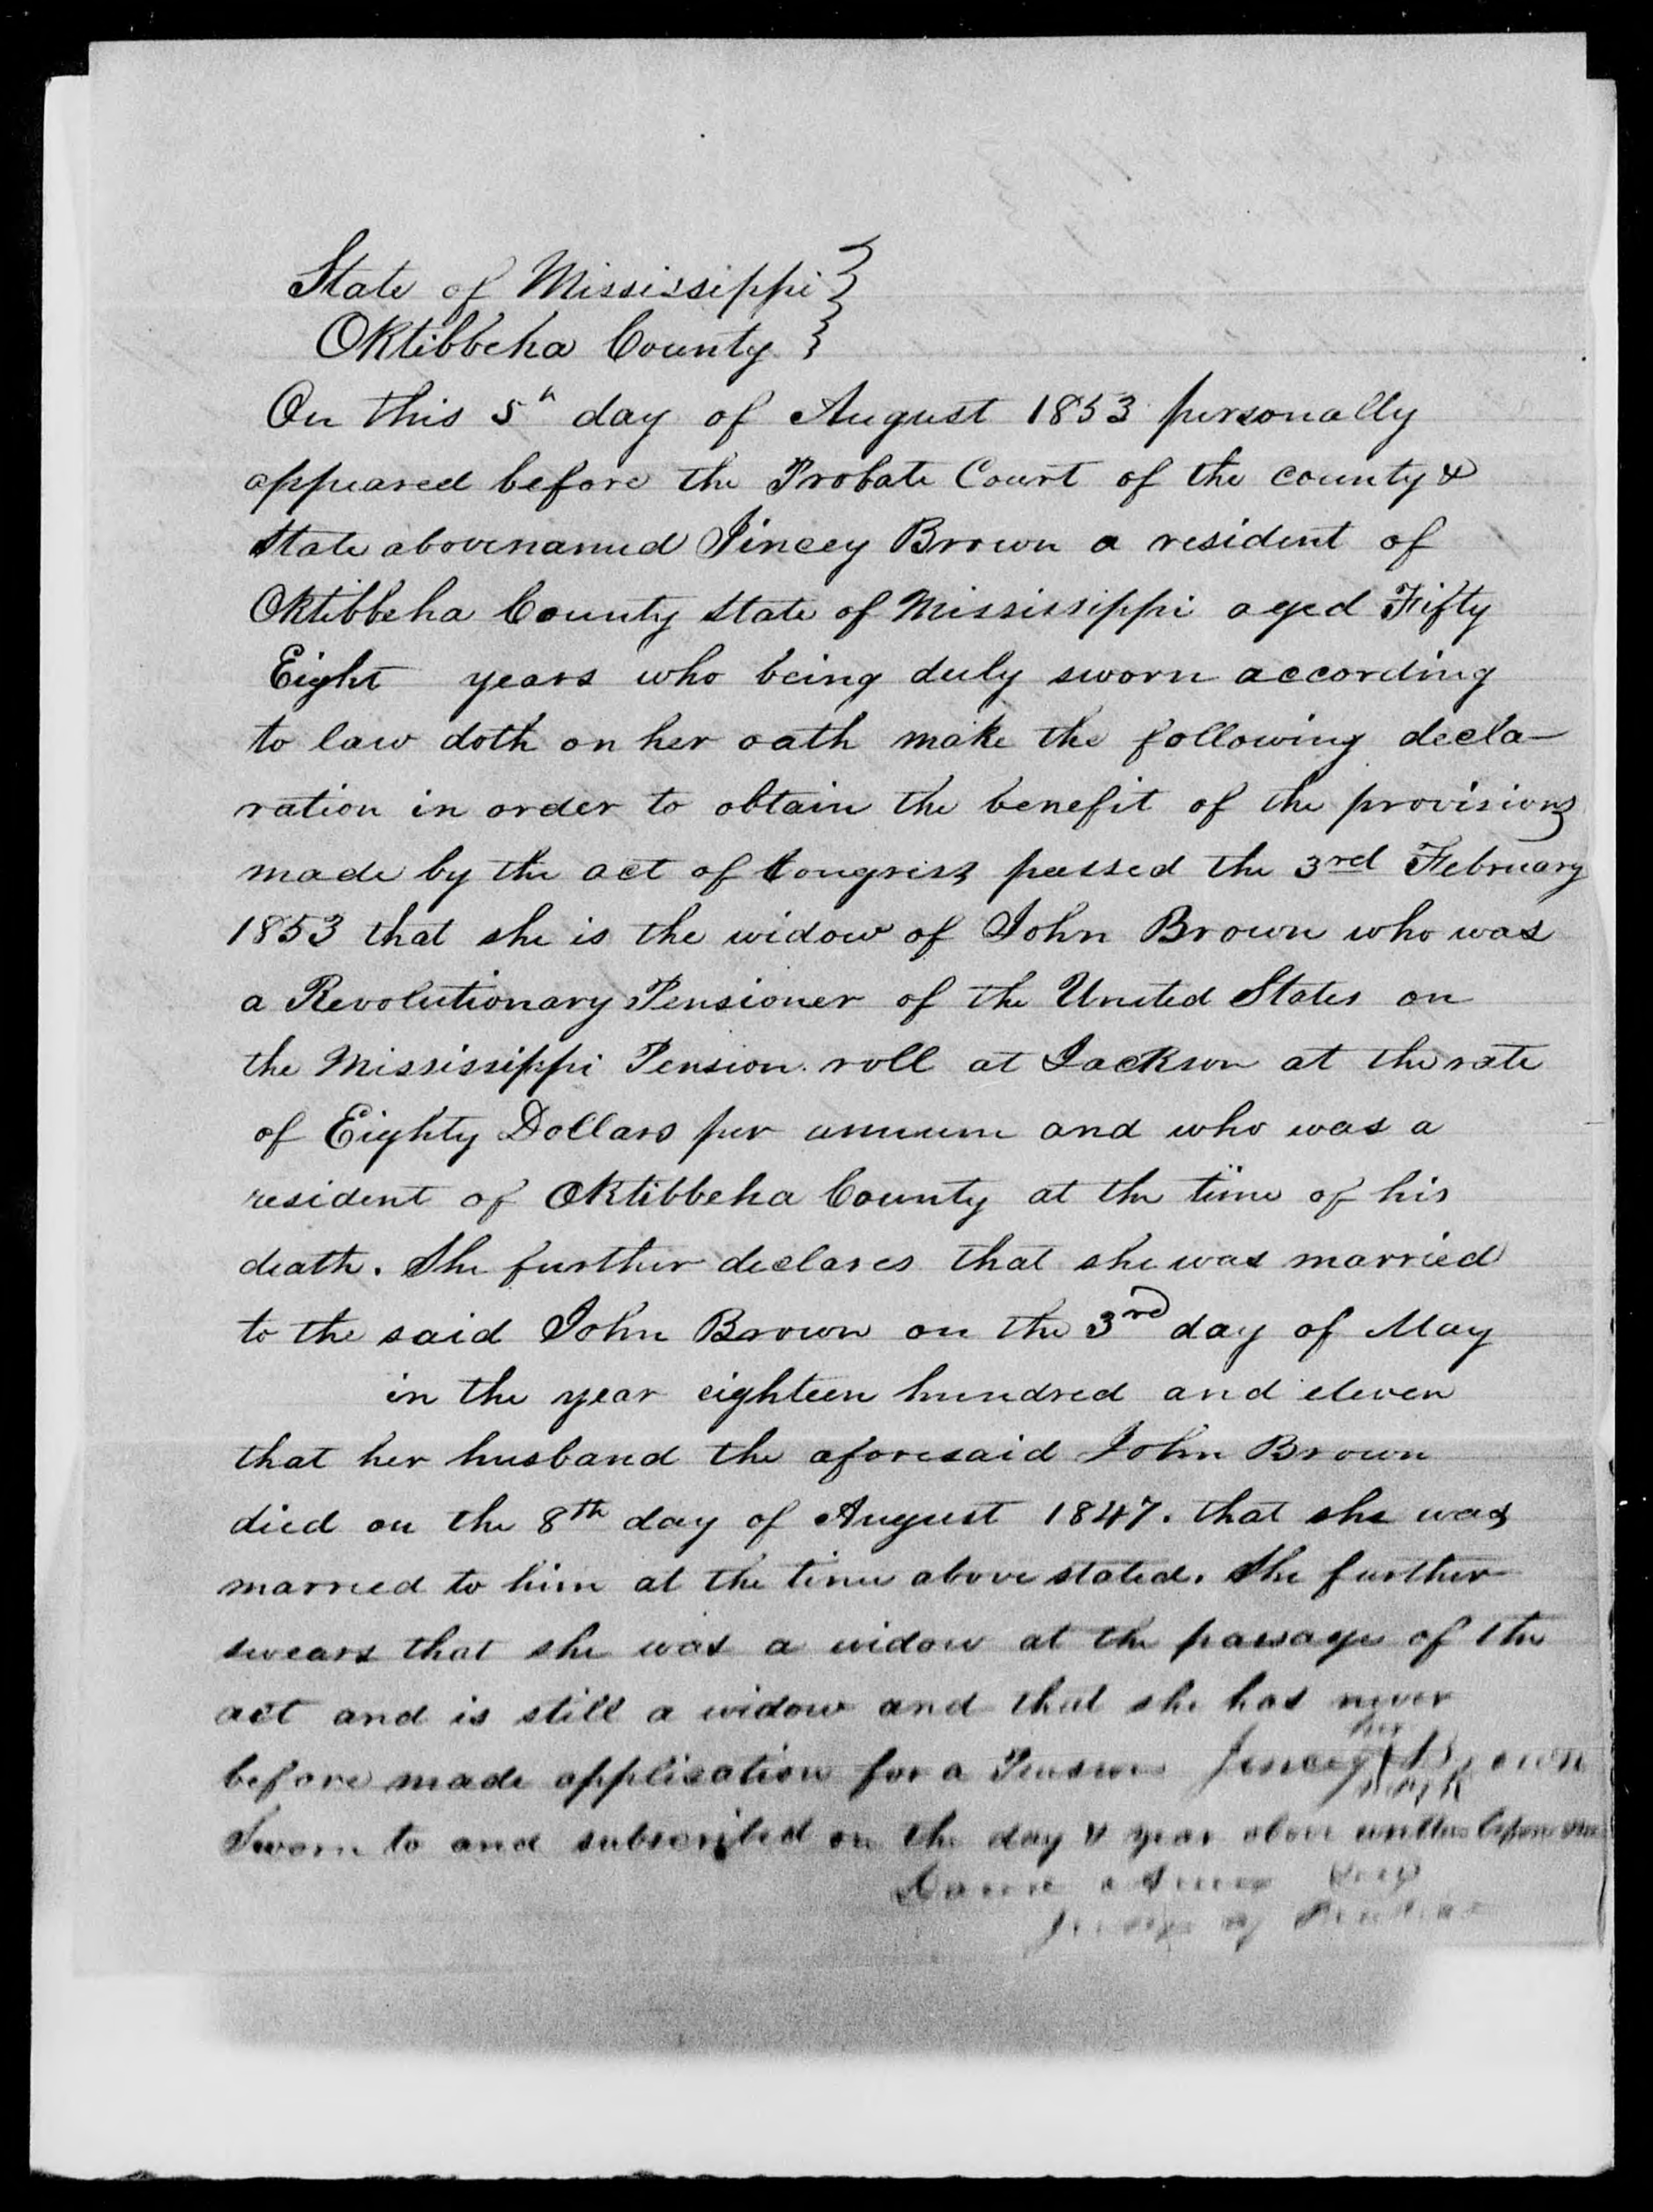State of Mississippi
Oktibbeha County
On this 5th day of August 1853 personally appeared before the Probate Court of the county &
State abovenamed Jincey Brown a resident of Oktibbeha County State of Mississippi aged Fifty Eight years who being duly sworn according
to law doth on her oath make the following declaration in order to obtain the benefit of the provisions
made by the act of Congress passed the 3rd February 1853 that she is the widow of John Brown who was
a Revolutionary Pensioner of the United States on the Mississippi Pension roll at Jackson at the rate
of Eighty Dollars per annum and who was a resident of Oktibbeha County at the time of his death. She further declares that she was married
to the said John Brown on the 3rd day of May in the year eighteen hundred and eleven that her husband the aforesaid John Brown died on the 8th day of August 1847. that she was
married to him at the time above stated. She further swears that she was a widow at the passage of the
act and is still a widow and that she has never before made application for a Pension
Jincey Brown her X mark
Sworn to and subscribed on the day & year above written before the
David Ames
Judge of Probate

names: Jincey Brown, David Ames, John Brown, John Brown, John Brown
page: 11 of 85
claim: widow's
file: W. 5,906, John Brown, S.C.